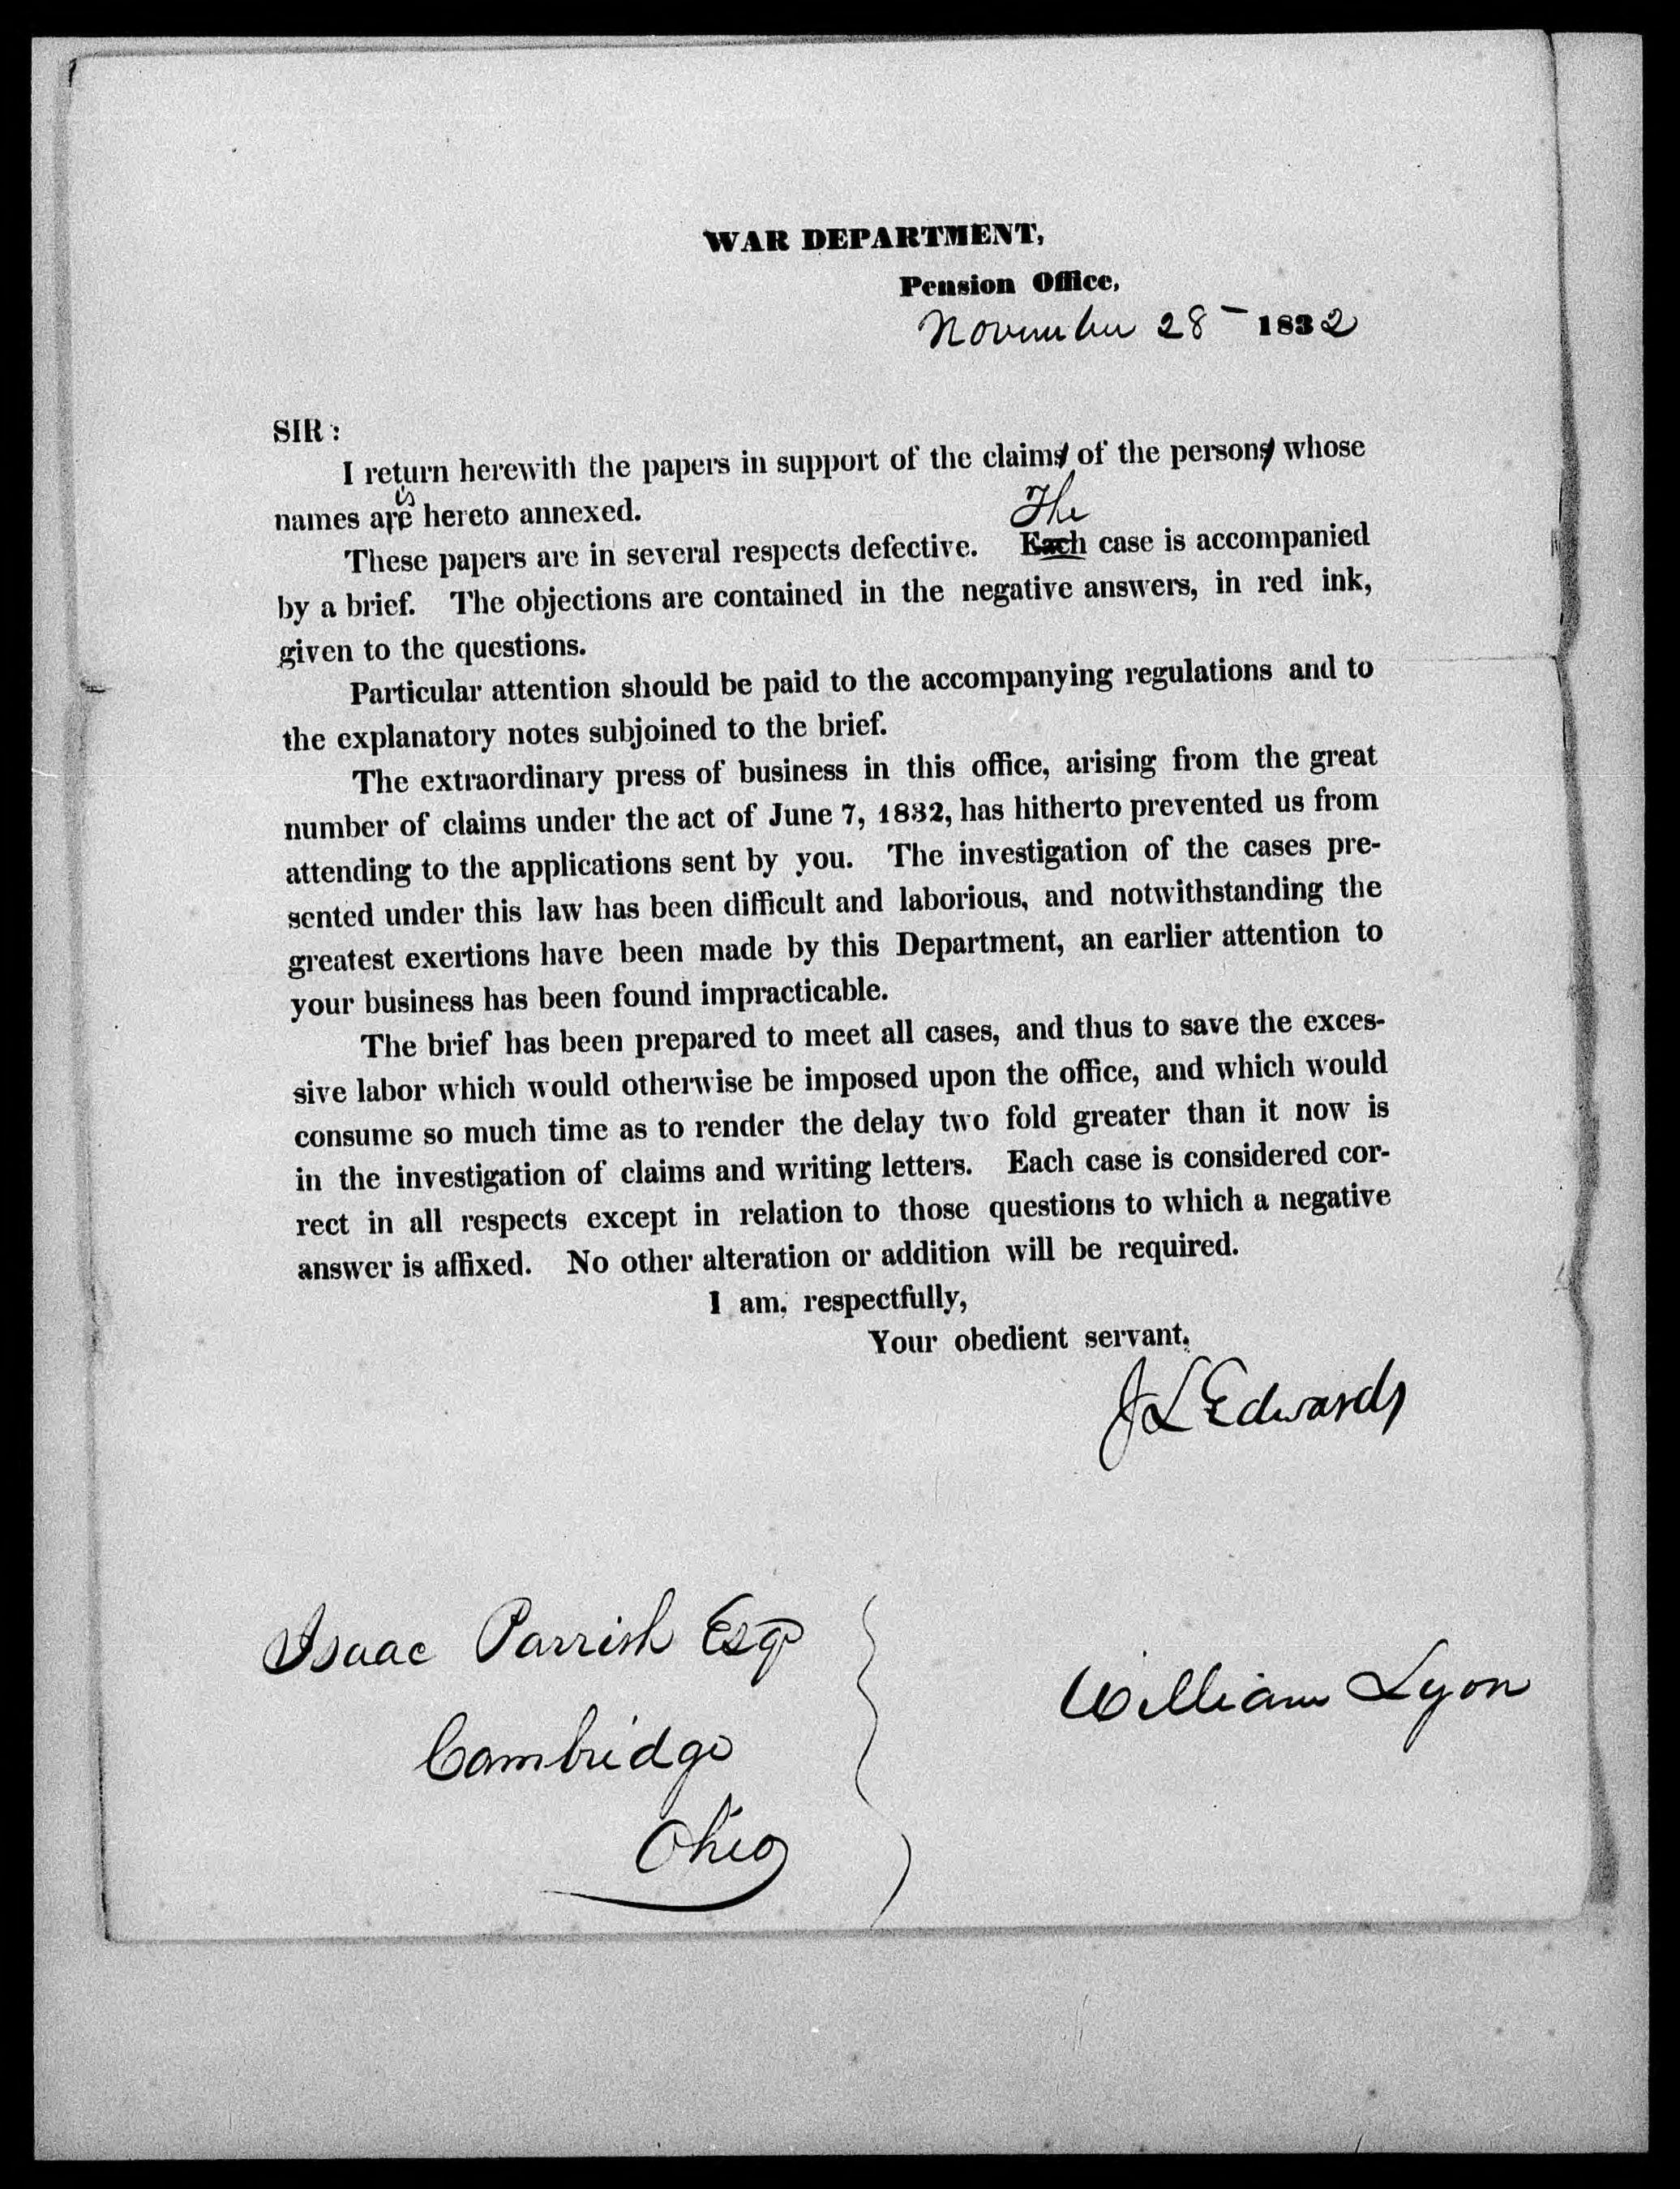WAR DEPARTMENT
Pension Office,
November 28 1832

SIR:
I return herewith the papers in support of the claim of the person whose name is herto annexed. These papers are in several respects defective. The case is accompanied by a brief. the objections are contained in the negative answers, in red ink, given to the questions. Particular attention should be paid to the accompanying regulations and to the explanatory notes subjoined to the brief. The extraordinary press of business in this office, arising from the great number of claims under the act of June 7, 1832, has hitherto prevented us from attending to the applications sent by you. The investigation of the cases presented under this law has been difficult and laborious, and notwithstanding the greatest exertions have been made by this Department, an earlier attention to your business has been found impracticable. 
The brief has been prepared to meet all cases, and thus to save the excessive labor which would otherwise by imposed upon the office, and which would consume so much time as to render the delay two fold greater than it now is in the investigation of claims and writing letters. Each case is considered correct in all respects except in relation to those questions to which a negative answers is affixed. no other alteration or addition will be required. I am, respectfully, 
Your obedient servant, 
JL Edwards
Isaac Parrish Esq
Cambridge Ohio
William Lyon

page: 39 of 41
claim: survivor's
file: S. 4585, for William Lyons, Pennsylvania